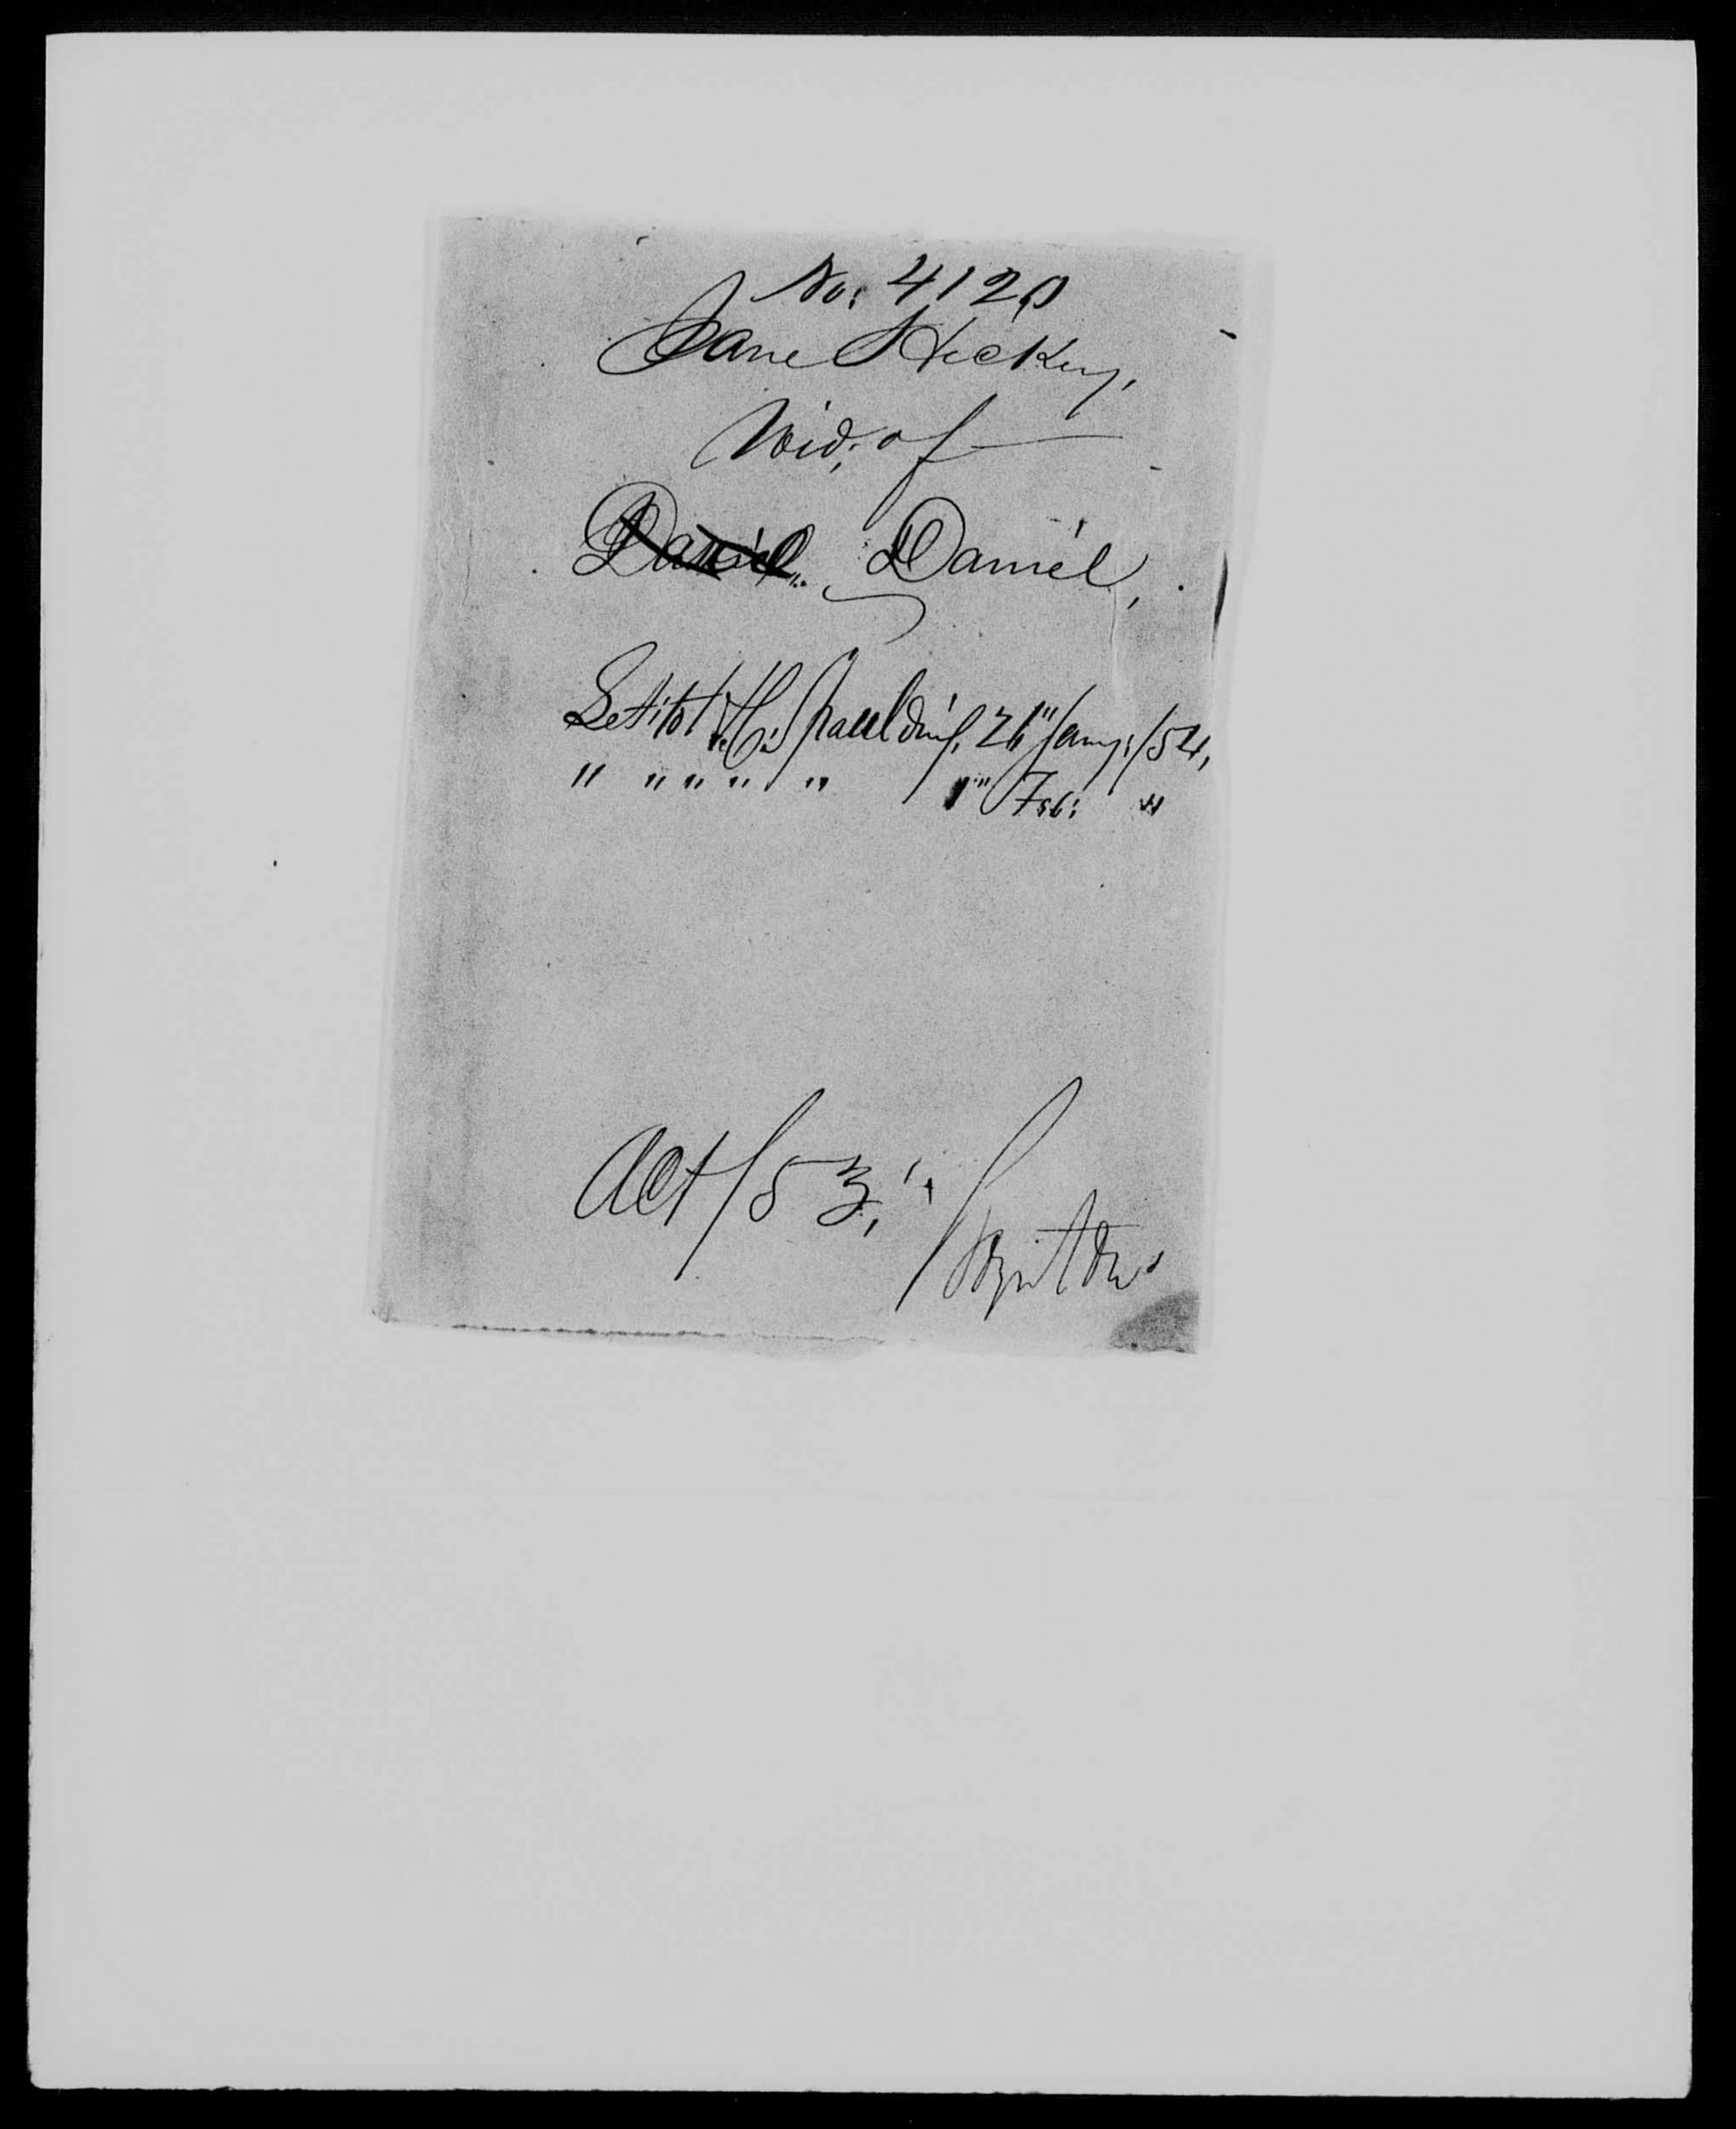No. 4120
Jane Hickey,
wid. of
Daniel
Let to H.C. Spaulding 26 Jany/54.
Let to H.C. Spaulding 1 Feb/54.
Act /53 Boynton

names: H C Spaulding, Boynton, Jane Hickey, Daniel Hickey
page: 27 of 84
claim: widow's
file: W. 7744, Daniel Hickey, Penn.